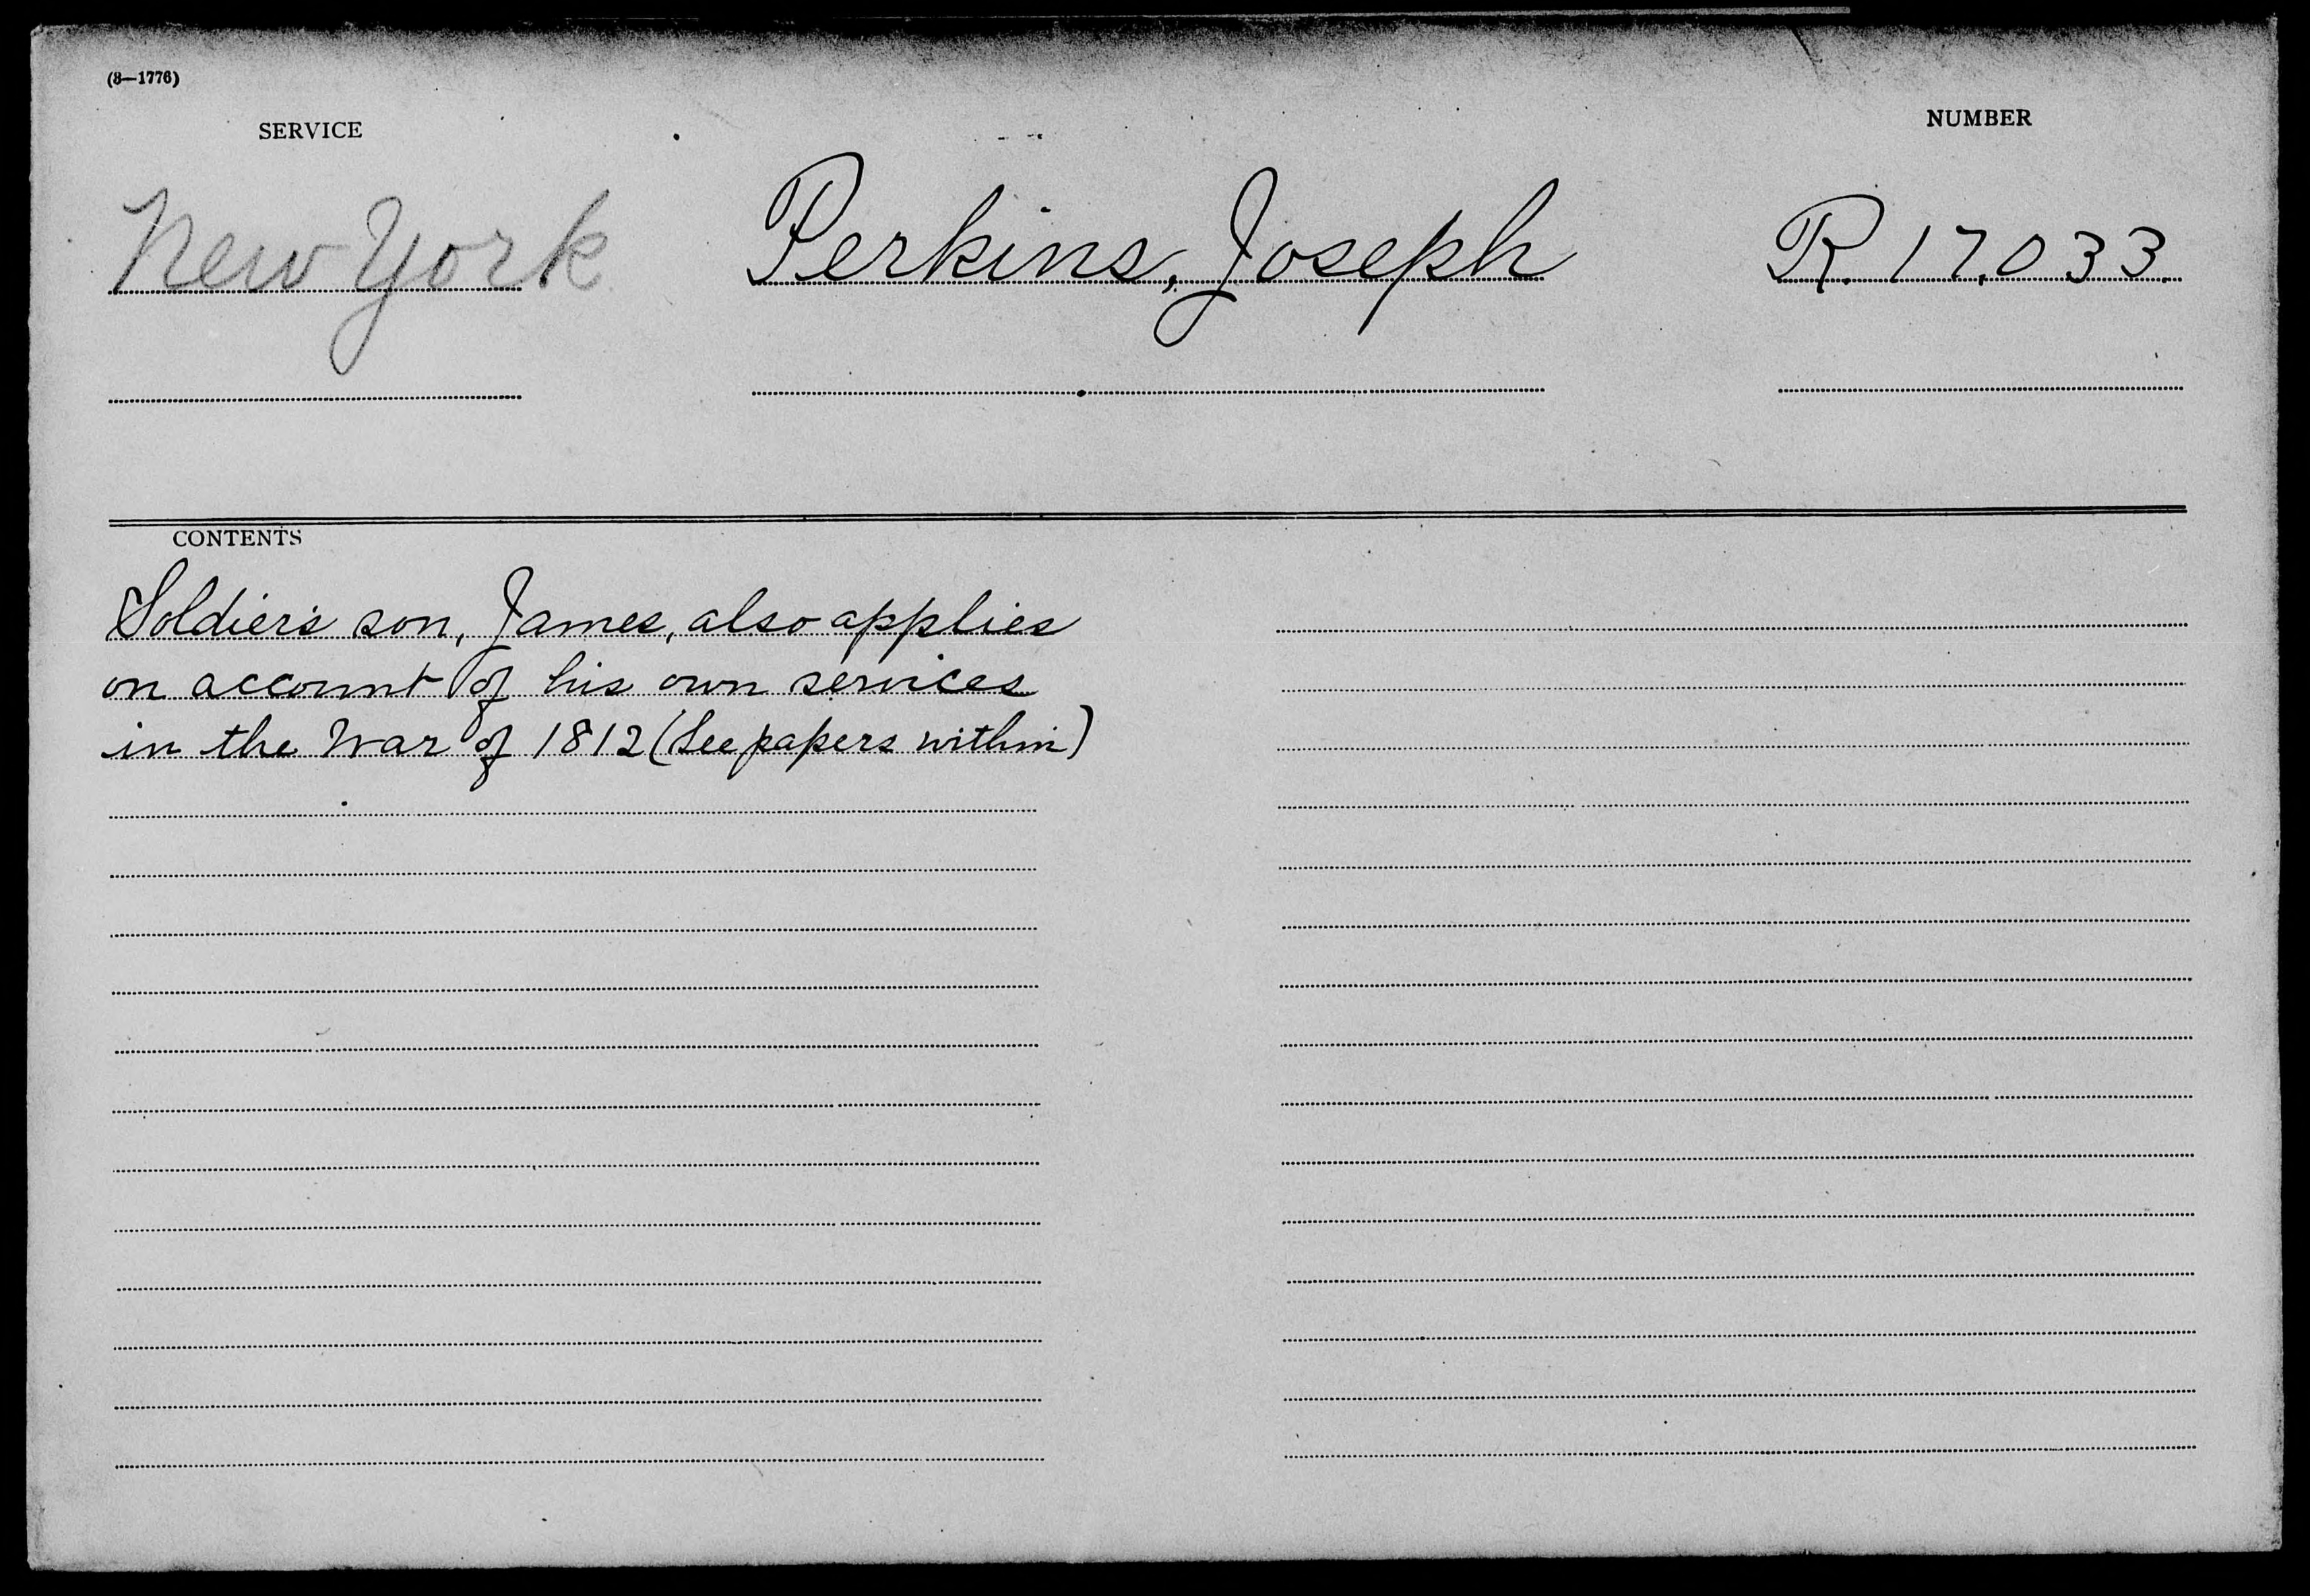(3-1776) 

SERVICE 
New York

Perkins, Joseph 

NUMBER R.17.033

CONTENTS 
Soldier's son, James, also applies on account of his own services in the War of 1812 (See papers within)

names: James [BLANK]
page: 1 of 44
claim: rejected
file: R. 17,033, for Joseph Perkins, New York